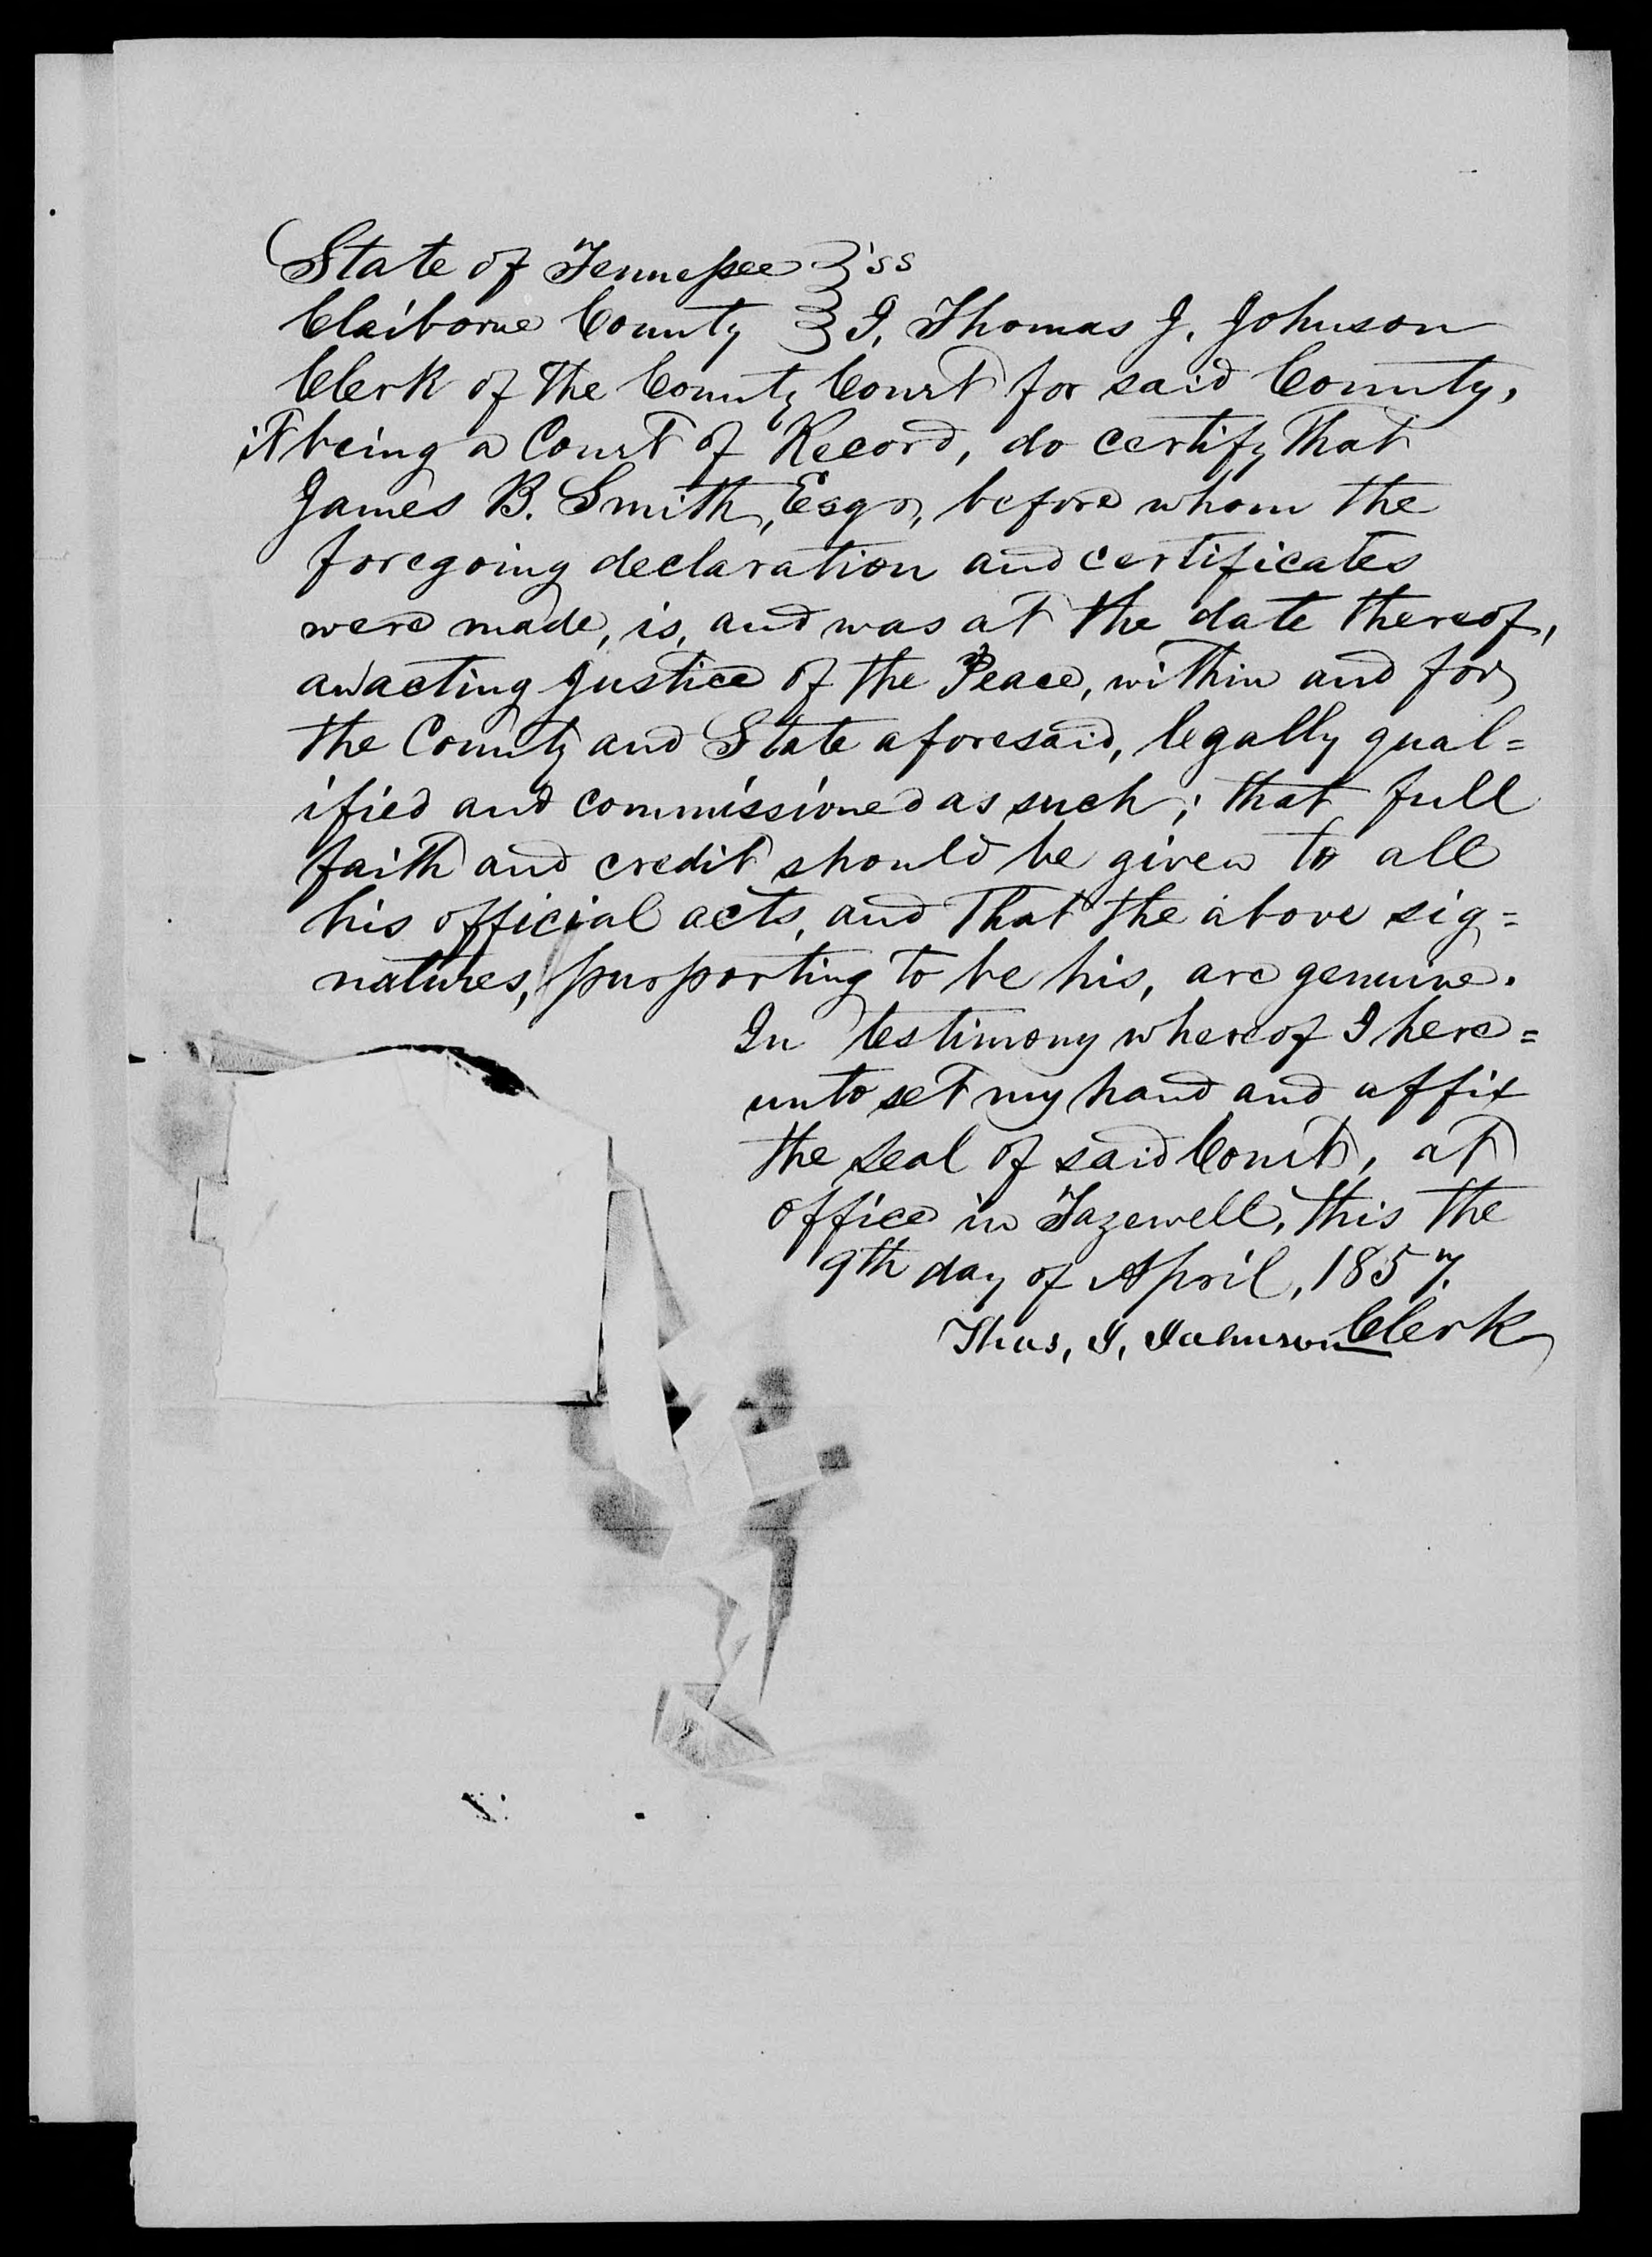State of Tennessee )
Claiborne County   ) ss
I, Thomas J. Johnson 
Clerk of the County Court for said County,
it being a Court of Record, do certify that James B. Smith, Esqr, before whom the foregoing declaration and certificates 
were made, is, and was at the date thereof,
an acting Justice of the Peace, within and for the County and State aforesaid, legally qual=
ified and commissioned as such; that full 
faith and credit should be given to all 
his official acts, and that the above sig=
natures, purporting to be his, are genuine. 
In testimony whereof I here=
unto set my hand and affix 
the seal of said Court, at 
office in Tazewell, this the 
9th day of April, 1857. 
Thos. J. Johnson Clerk 
[a seal and ribbon are affixed to the left]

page: 15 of 120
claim: widow's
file: W. 1044, for Salathiel Martin, North Carolina